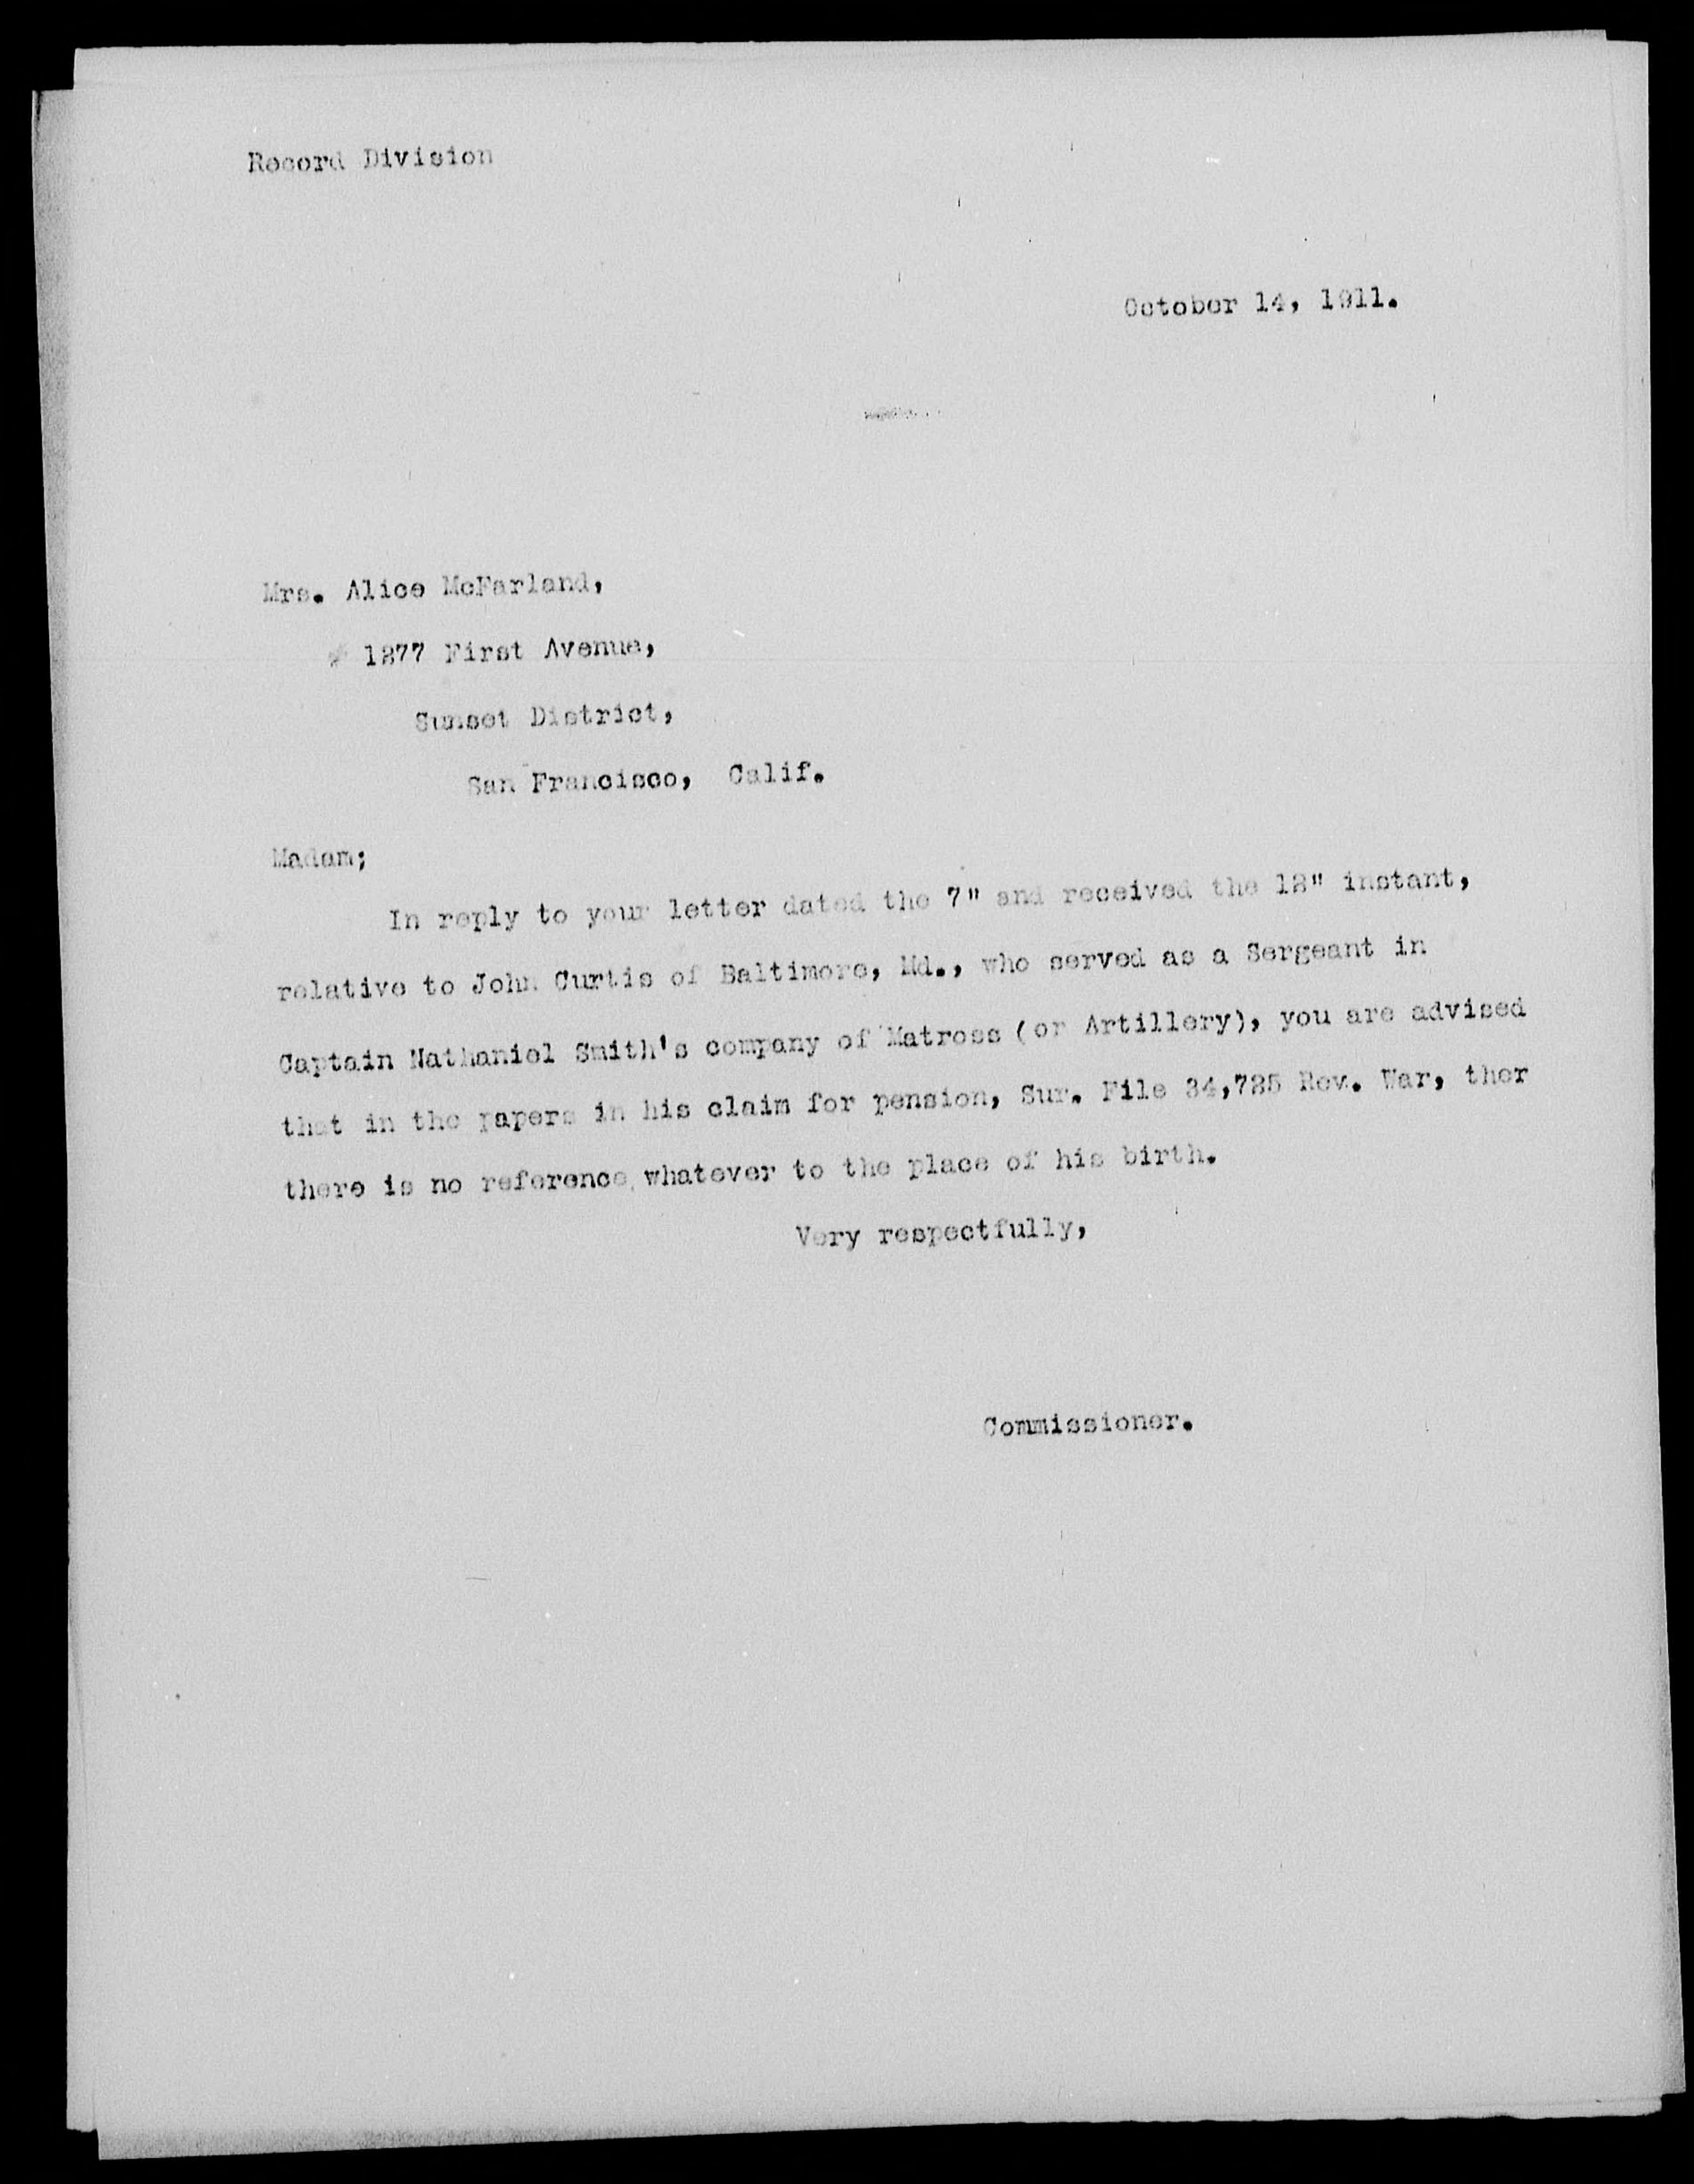Record Division
October 14, 1911

Mrs. Alice McFarland,
1877 First Avenue,
Sunset District,
San Francisco, Calif.

Madam;
In reply to your letter dated the 7"" and received the 18"" instant,
relative to John Curtis of Baltimore, Md., who served as a Sergeant in
Captain Nathaniel Smith's company of Matross (or Artillery), you are advised
that in the papers in his claim for pension, Sur. File 34,725 Rev. War, 
there is no reference whatever to the place of his birth.
Very respectfully,
Commissioner.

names: Alice Mc Farland, John Curtis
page: 25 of 26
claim: survivor's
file: S. 34,725, John Curtis, Md.